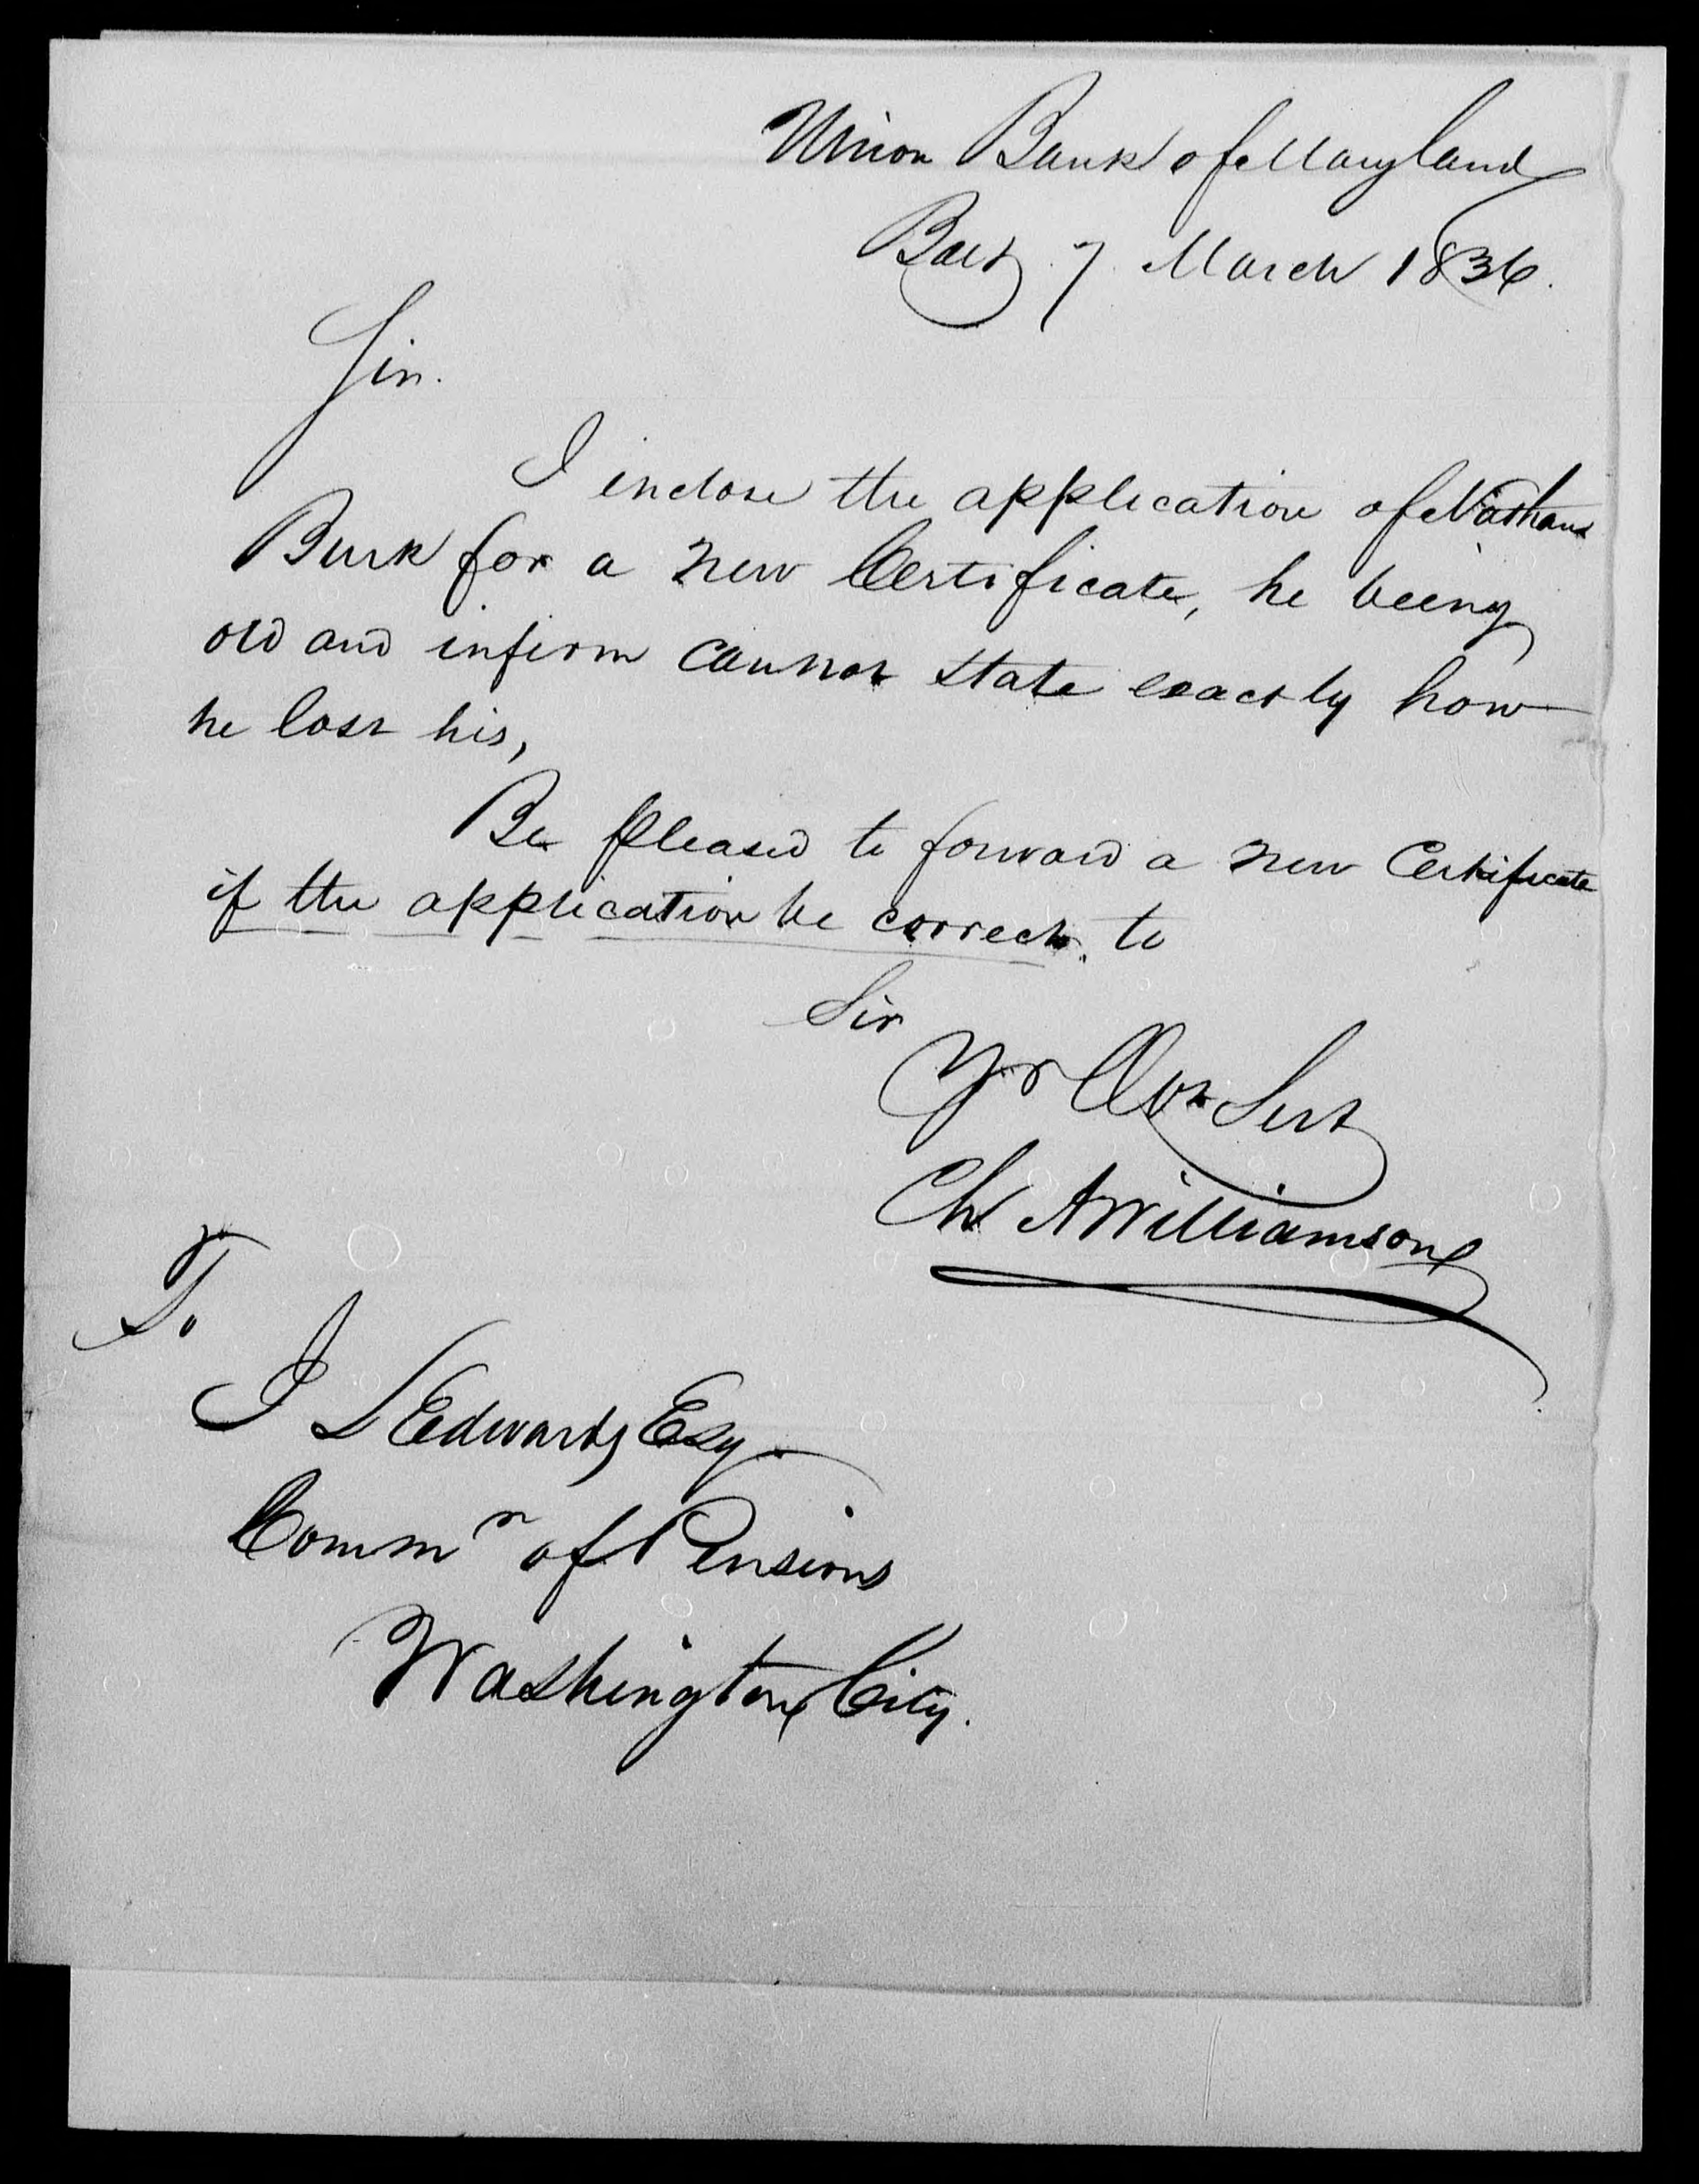Union Bank of Maryland
Balt 7 March 1836
Sir
I enclose the application of Nathan
Burk for a new Certificate, he being
old and infirm cannot state exactly how
he lost his,
Be pleased to forward a new certificate
of the application be correct to
Sir
You servant
Ch A Williamson
To J L Edwards Esq
Commr of Pensions
Washington City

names: Ch A Williamson, J L Edwards, Nathan Burk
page: 16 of 20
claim: survivor's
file: S. 34674, Nathan Burk, Md.